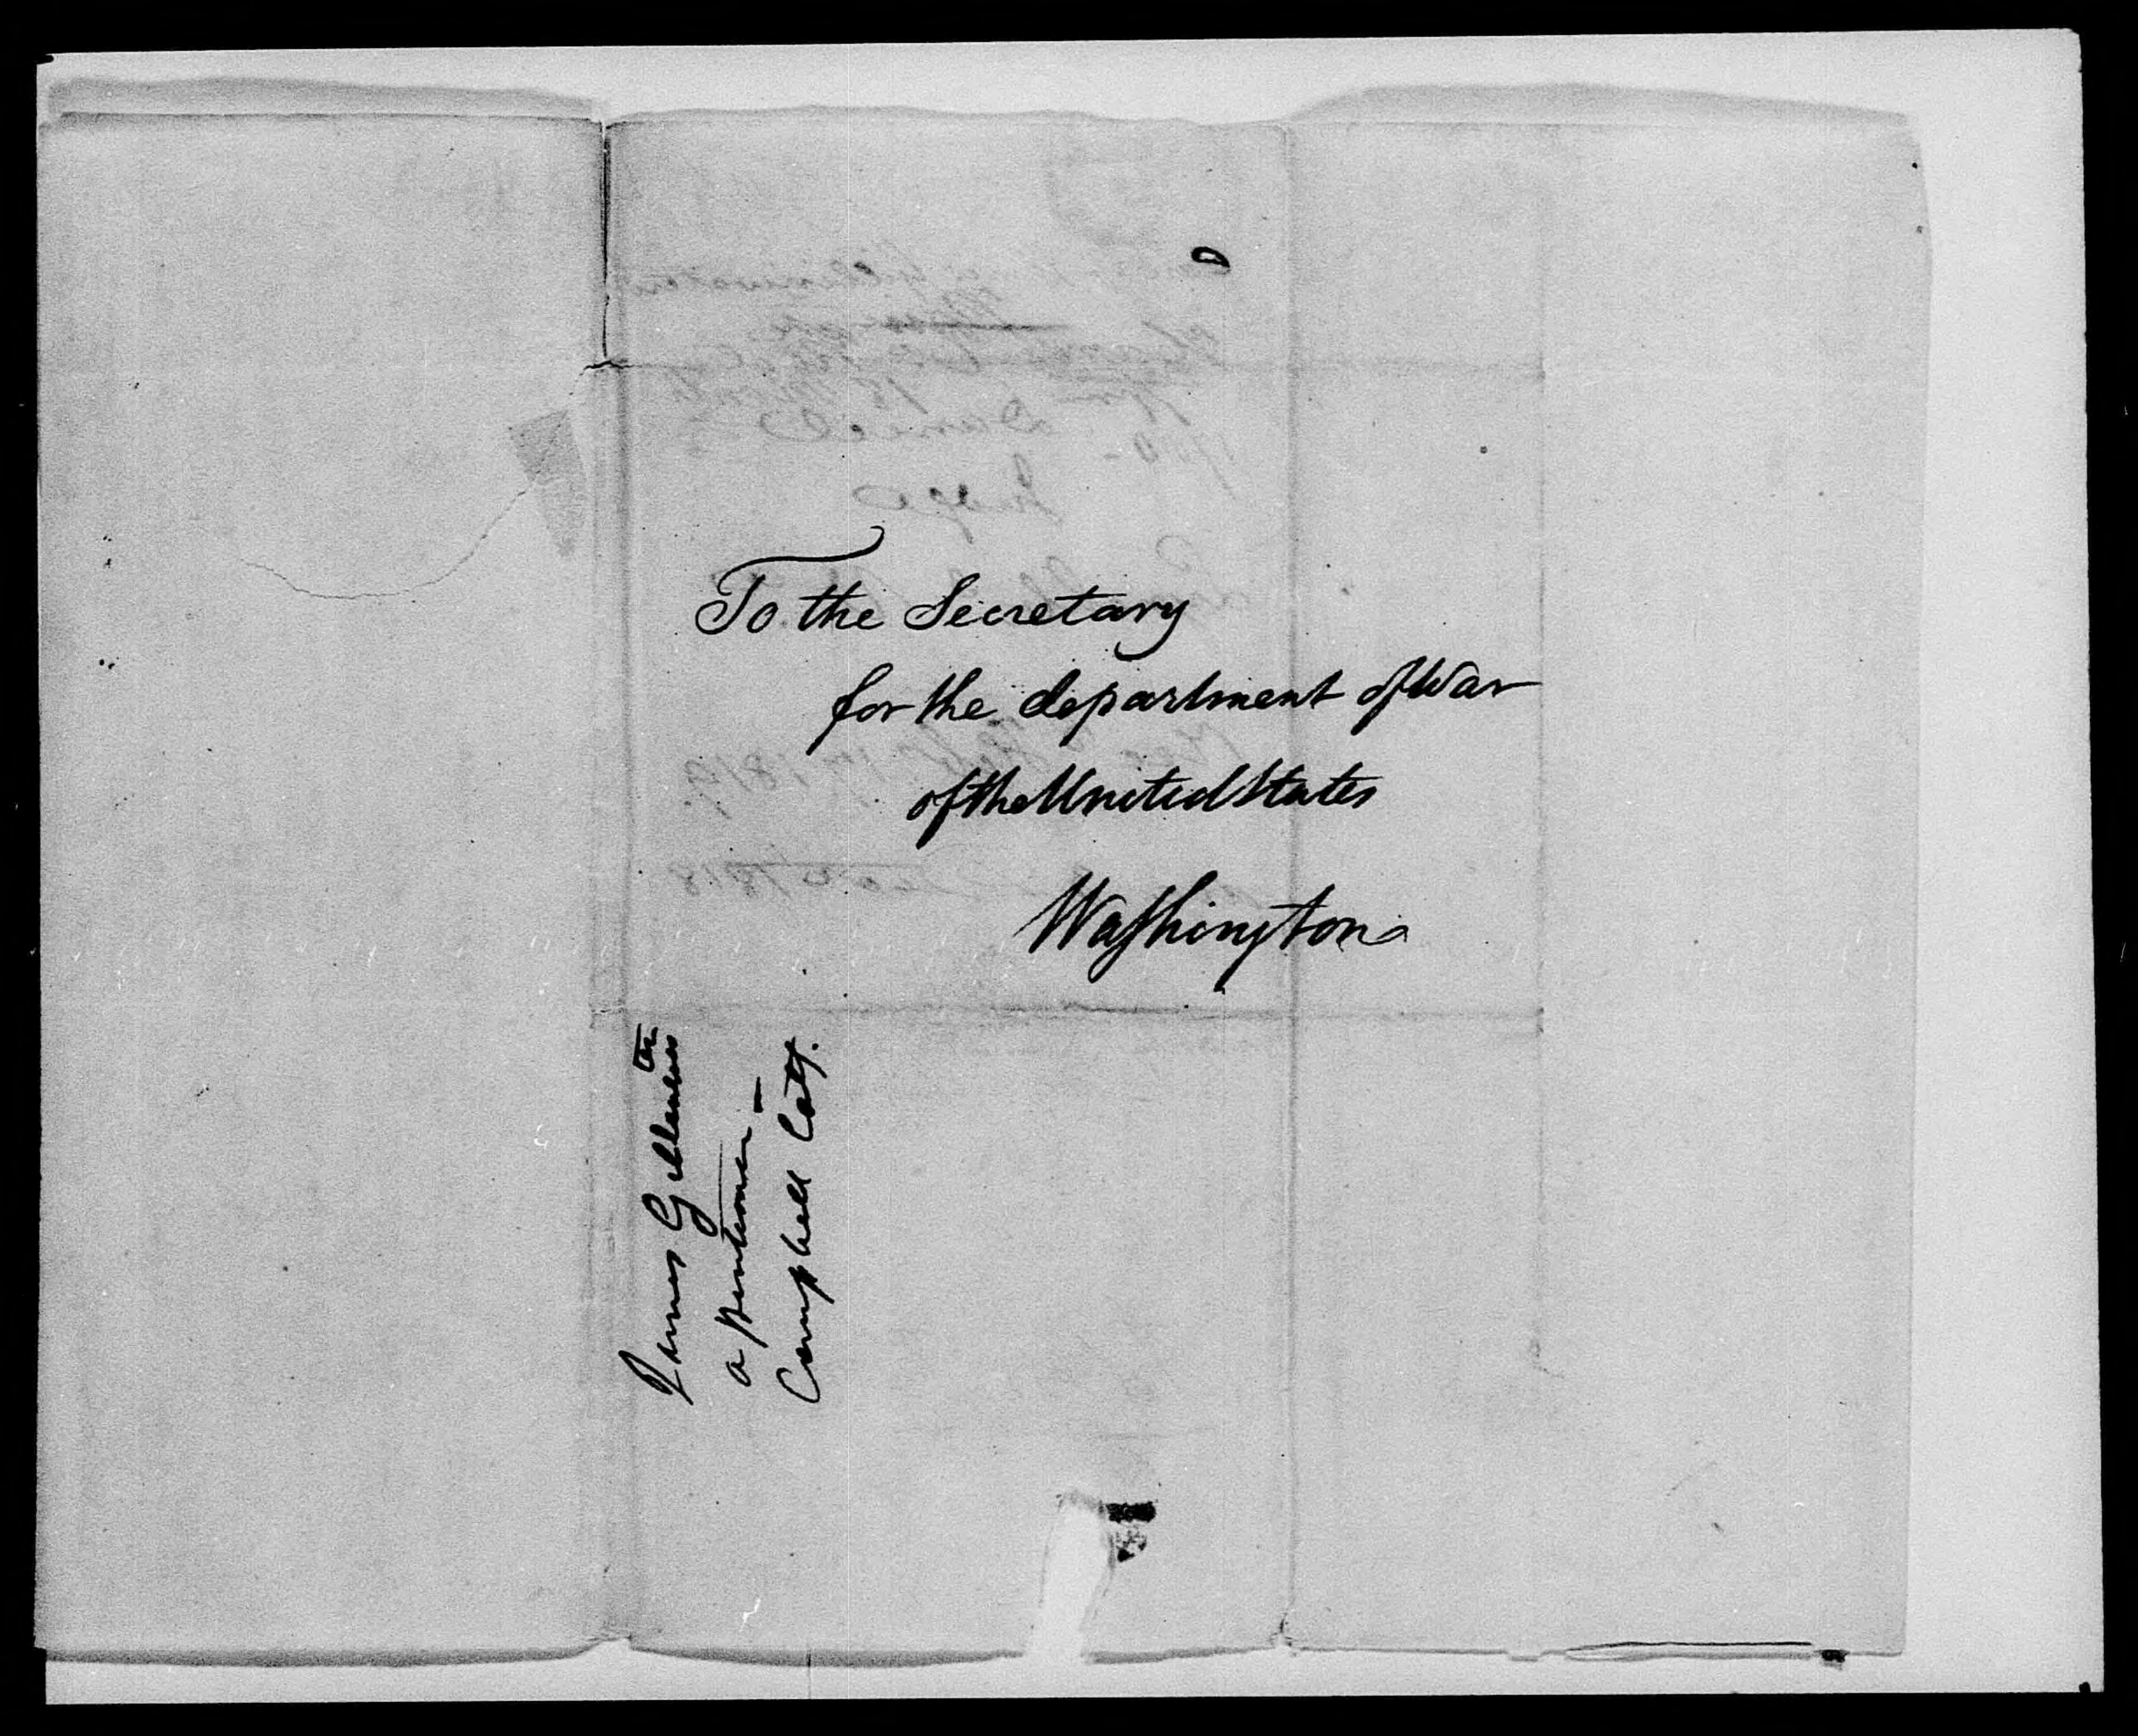To the Secretary for the department of War of the United States

Washington

[Written sideways near the bottom on the left. "James Gillingwater a [illegible] Campbell Coty."]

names: James Gillingwater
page: 10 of 36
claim: survivor's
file: S. 39570, James Gillingwater, Va.